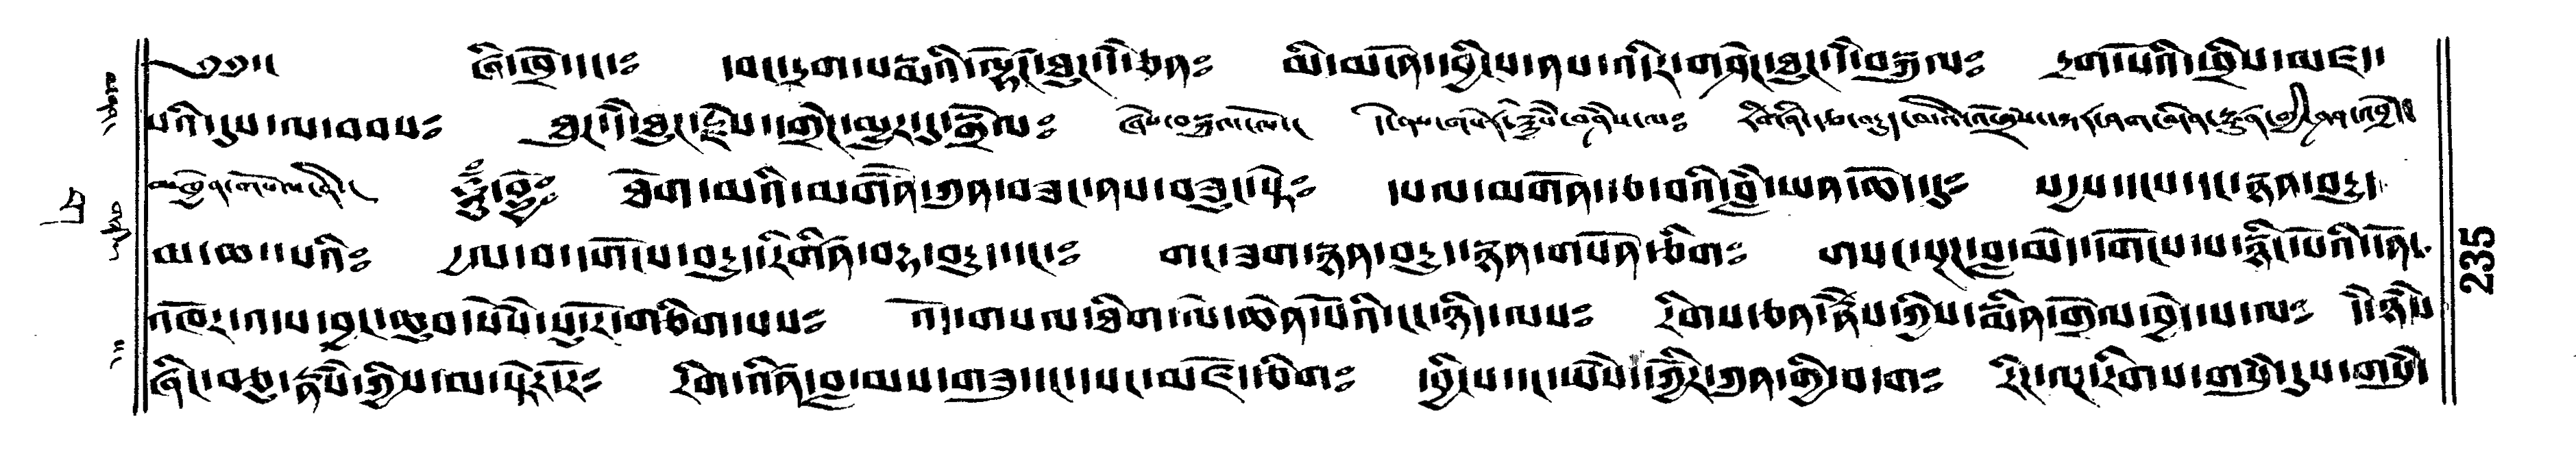ཞི་ཁྲོ་དངཿ དབང་དྲག་པདྨའི་ལྷ་ཚོགས་ཐུགས་དམ་ཅནཿ མི་མངོན་དབྱིངས་ནས་འདིར་གཤེགས་ཐུགས་དམ་བསྐུལཿ དྲག་པོའི་ཕྲིས་མཛད་
པའི་དུས་ལ་བབསཿ ཐུགས་དམ་ཐུགས་རྗེས་དགྲ་བགེགས་མྱུར་དུ་སྒྲོལཿ ཞེས་བསྐུལ་ལོ། དེ་ནས་གསེར་སྐྱེམས་བཤམས་ལཿ རིག་འཛིན་རྩ་རྒྱུད་མའི་འཕྲོས་དཀར་ནག་བདེན་རྫུན་གྱི་ཤན་འབྱེད་
མཁྱེན་གསོལ་ནི། ཧཱུྃ་བྷྱོཿ ཐོག་མའི་མགོན་པོ་ཀུན་བཟང་ནས་བཟུང་སྟེཿ དཔལ་མགོན་རྩ་བའི་བླ་མ་ཡན་ཆོད་དུཿ སངས་རྒྱས་དངོས་དང་སྙན་བརྒྱུད་
མ་ཆད་པའིཿ རྒྱལ་བ་དགོངས་རྒྱུད་རིག་འཛིན་བརྡ་བརྒྱུད་དངཿ གང་ཟག་སྙན་བརྒྱུད་སྙན་གསོན་ཅིགཿ གསང་སྔགས་བླ་མེད་དགོངས་པ་སྙིང་པོའི་དོནཿ 
འཁོར་འདས་བྱང་ཆུབ་སེམས་སུ་རོ་གཅིག་པསཿ འོད་གསལ་ཐིག་ལེ་ཆེན་པོའི་ངང་ཉིད་ལསཿ རིགས་ཅན་རྣམས་ཀྱིས་སྨིན་གྲོལ་བྱེད་པ་ལཿ དམ་ཉམས་
ཞིང་བཅུ་རྣམས་ཀྱི་མ་སྟེར་རོཿ རིག་འཛིན་བླ་མས་གཟུ་དང་དཔང་མཛོད་ཅིགཿ དབྱིངས་དང་ཡེ་ཤེས་དཀྱིལ་འཁོར་ཀུན་གྱི་བདགཿ རིགས་ལྔ་རིགས་གསུམ་དུས་གསུམ་